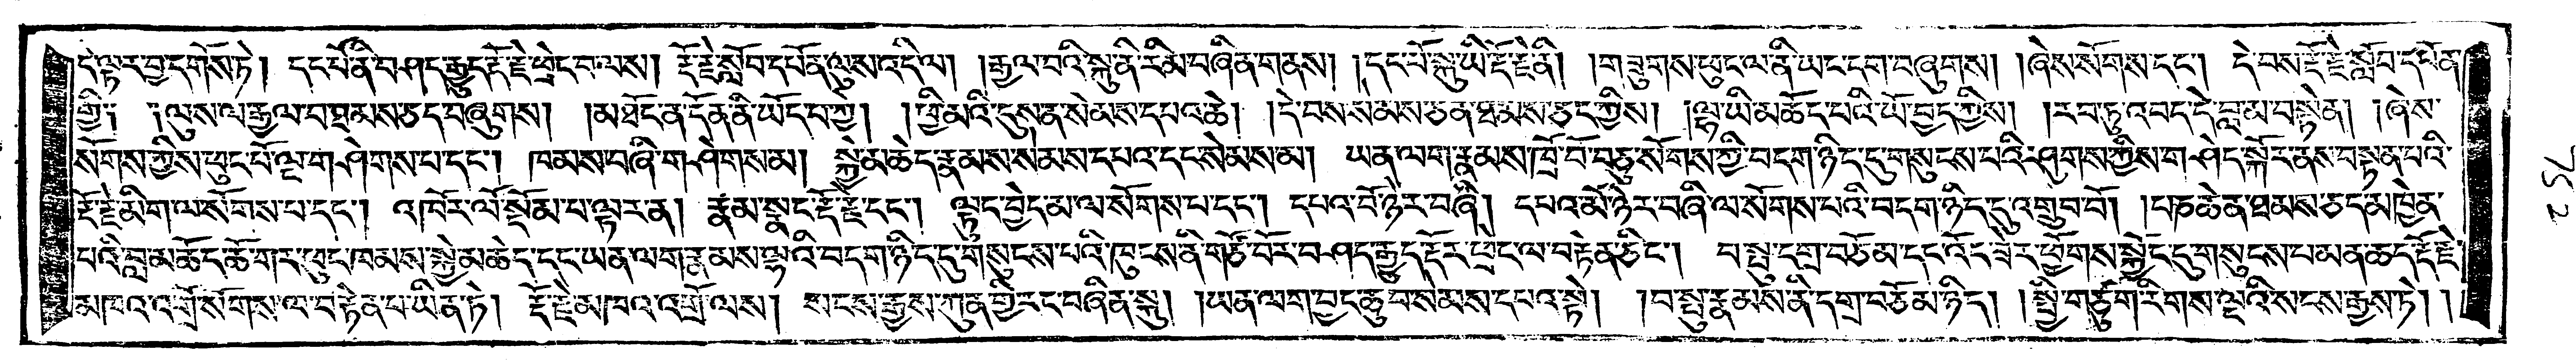དེ་ལྟར་བྱ་དགོས་ཏེ། དང་པོ་ནི་བཤད་རྒྱུད་རྡོ་རྗེ་ཕྲེང་བ་ལས། རྡོ་རྗེ་སློབ་དཔོན་ལུས་འདི་ལ། །རྒྱལ་བའི་སྐུ་ནི་རིམ་བཞིན་གནས། །དང་པོ་སྐུ་ཡི་རྡོ་རྗེ་ནི། །གཟུགས་ཕུང་ལ་ནི་ཡང་དག་བཞུགས། །ཞེས་སོགས་དང་། དེ་བས་རྡོ་རྗེ་སློབ་དཔོན་
གྱི༑ ༑ལུས་ལ་རྒྱལ་བ་ཐམས་ཅད་བཞུགས། །མཐོང་ན་དོན་ནི་ཡོད་པ་ཀྱེ། །ཕྱི་མའི་དུས་ན་སེམས་དཔའ་ཆེ། །དེ་བས་སེམས་ཅན་ཐམས་ཅད་ཀྱིས། །ལྷ་ཡི་མཆོད་པའི་ཡོ་བྱད་ཀྱིས། །རབ་ཏུ་འབད་དེ་བླ་མ་བསྟེན། །ཞེས་
སོགས་ཀྱིས་ཕུང་པོ་ལྔ་གཤེགས་པ་དང་། ཁམས་བཞི་གཤེགས་མ། སྐྱེ་མཆེད་རྣམས་སེམས་དཔའ་དང་སེམས་མ། ཡན་ལག་རྣམས་ཁྲོ་བོ་བཅུ་སོགས་ཀྱི་བདག་ཉིད་དུ་གསུངས་པའི་ཤུགས་ཀྱིས་གཤེད་སྐོར་ནས་བསྟན་པའི་
རྡོ་རྗེ་མིག་ལ་སོགས་པ་དང་། འཁོར་ལོ་སྡོམ་པ་ལྟར་ན། རྣམ་སྣང་རྡོ་རྗེ་དང་། ལྟུང་བྱེད་མ་ལ་སོགས་པ་དང་། དཔའ་བོ་ཉེར་བཞི། དཔའ་མོ་ཉེར་བཞི་ལ་སོགས་པའི་བདག་ཉིད་དུ་འགྲུབ་བོ། །པཎ་ཆེན་ཐམས་ཅད་མཁྱེན་
པའི་བླ་མཆོད་ཆོ་གར་ཕུང་ཁམས་སྐྱེ་མཆེད་དང་ཡན་ལག་རྣམས་ལྷའི་བདག་ཉིད་དུ་གསུངས་པའི་ཁུངས་ནི་གཙོ་བོར་བཤད་རྒྱུད་རྡོར་ཕྲེང་ལ་བརྟེན་ཅིང་། བ་སྤུ་དགྲ་བཅོམ་དང་འོད་ཟེར་ཕྱོགས་སྐྱོང་དུ་གསུངས་པ་མན་ཆད་རྡོ་རྗེ་
མཁའ་འགྲོ་སོགས་ལ་བརྟེན་པ་ཡིན་ཏེ། རྡོ་རྗེ་མཁའ་འགྲོ་ལས། སངས་རྒྱས་ཀུན་གྱི་རང་བཞིན་སྐུ། །ཡན་ལག་བྱང་ཆུབ་སེམས་དཔའ་སྟེ། །བ་སྤུ་རྣམས་ནི་དགྲ་བཅོམ་ཉིད། །སྤྱི་གཙུག་རིགས་ལྔའི་སངས་རྒྱས་ཏེ། །